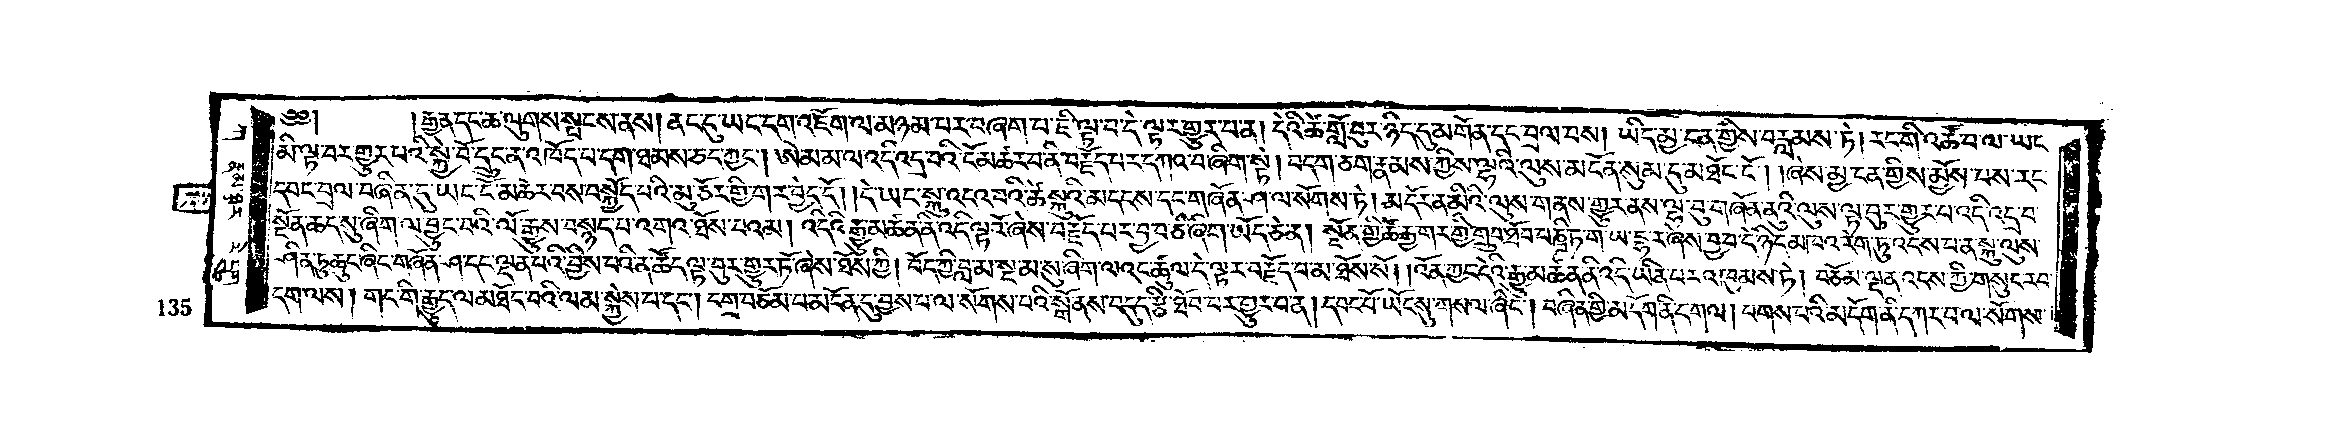༄༅། །རྒྱན་དང་ཆ་ལུགས་སྤངས་ནས། ནང་དུ་ཡང་དག་འཇོག་ལ་མཉམ་པར་བཞག་པ་ཇི་ལྟ་བ་དེ་ལྟར་གྱུར་པ་ན། དེའི་ཚེ་གློ་བུར་ཉིད་དུ་མགོན་དང་བྲལ་བས། ཡིད་མྱ་ངན་གྱིས་བརླམས་ཏེ། རང་གི་འཚོ་བ་ལ་ཡང་
མི་ལྟ་བར་གྱུར་པའི་སྐྱེ་བོ་དྲུང་ན་འཁོད་པ་དག་ཐམས་ཅད་ཀྱང་། ཨེ་མ་མ་ལ་འདི་འདྲ་བའི་ངོ་མཚར་བ་ནི་བརྗོད་པར་དཀའ་བ་ཞིག་སྟེ། བདག་ཅག་རྣམས་ཀྱིས་ལྷའི་ལུས་མངོན་སུམ་དུ་མཐོང་ངོ། །ཞེས་མྱ་ངན་གྱིས་མྱོས་པས་རང་
དབང་བྲལ་བཞིན་དུ་ཡང་ངོ་མཆེར་བས་བསྐྱོད་པའི་མུ་ཅོར་གྱི་གར་བྱེད་དོ། །དེ་ཡང་སྐུ་འདའ་བའི་ཚེ་སྐུའི་མདངས་དང་གཞོན་ཤ་ལ་སོགས་ཏེ། མདོར་ན་མིའི་ལུས་གནས་གྱུར་ནས་ལྷ་བུ་གཞོན་ནུའི་ལུས་ལྟ་བུར་གྱུར་པ་འདི་འདྲ་བ་
སྔོན་ཆད་སུ་ཞིག་ལ་བྱུང་བའི་ལོ་རྒྱུས་བསྙད་པ་འགའ་ཐོས་པའམ། འདིའི་རྒྱུ་མཚན་ནི་འདི་ལྟའོ་ཞེས་བརྗོད་པར་བྱ་བ་ཅི་ཞིག་ཡོད་ཅེ་ན། སྔོན་གྱི་ཚེ་རྒྱ་གར་གྱི་གྲུབ་ཐོབ་པཎྜི་ཏ་ག་ཡ་དྷ་ར་ཞེས་བྱ་བ་དེ་ཉིད་མཁའ་རེག་ཏུ་འདས་པ་ན་སྐུ་ལུས་
ཤིན་ཏུ་ཆུང་ཞིང་གཞོན་ཤ་དང་ལྡན་པའི་བྱིས་པའི་ན་ཚོད་ལྟ་བུར་གྱུར་ཏོ་ཞེས་ཐོས་ཀྱི། བོད་ཀྱི་བླ་མ་སྔ་མ་སུ་ཞིག་ལའང་ཚུལ་དེ་ལྟར་བརྗོད་པ་མ་ཐོས་སོ། །འོན་ཀྱང་དེའི་རྒྱུ་མཚན་ནི་འདི་ཡིན་པར་འཁུམས་ཏེ། བཅོམ་ལྡན་འདས་ཀྱི་གསུང་རབ་
དག་ལས། གང་གི་རྒྱུད་ལ་མཐོང་བའི་ལམ་སྐྱེས་པ་དང་། དགྲ་བཅོམ་པ་མངོན་དུ་བྱས་པ་ལ་སོགས་པའི་སྒོ་ནས་བདུད་རྩི་ཐོབ་པར་གྱུར་པ་ན། དབང་པོ་ཡོངས་སུ་གསལ་ཞིང་། བཞིན་གྱི་མདོག་ནི་དག་ལ། པགས་པའི་མདོག་ནི་དཀར་བ་ལ་སོགས་